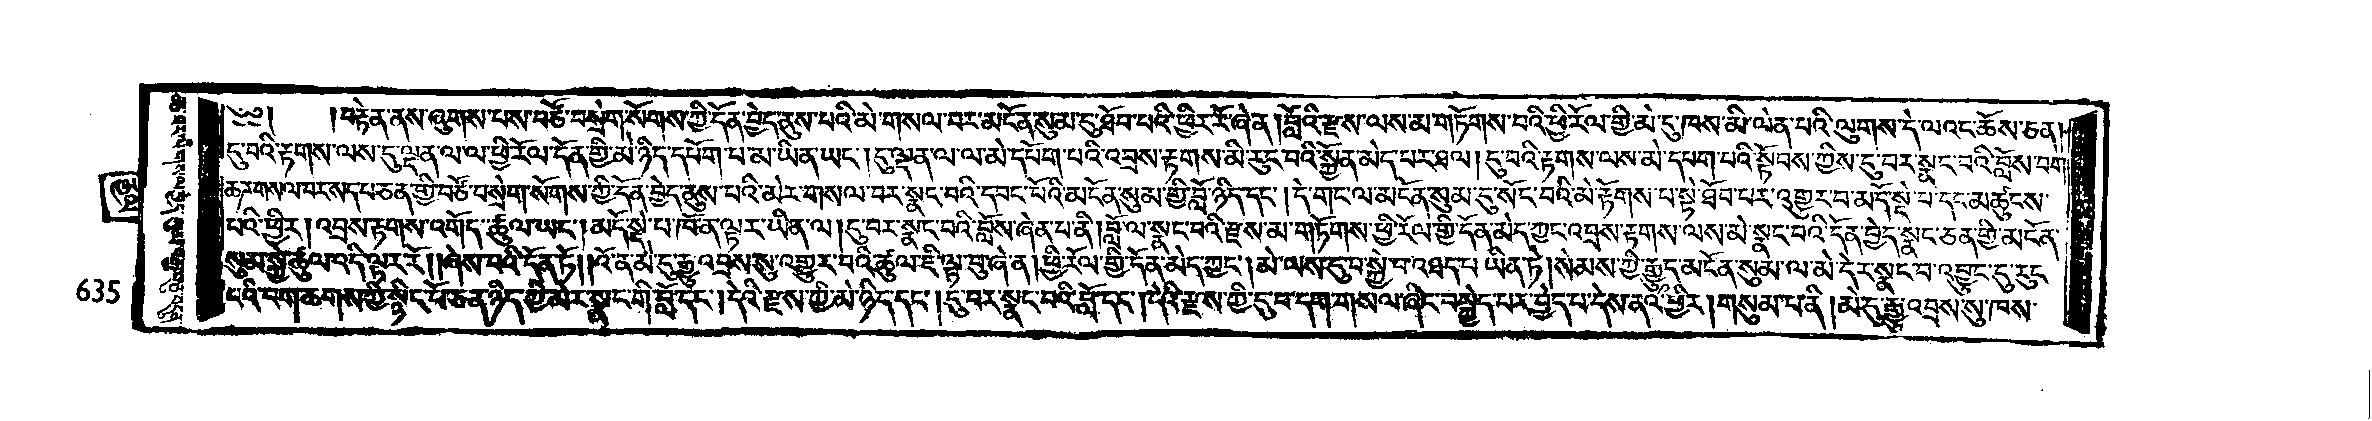༄༅། །བརྟེན་ནས་ཞུགས་པས་བཙོ་བསྲེག་སོགས་ཀྱི་དོན་བྱེད་ནུས་པའི་མེ་གསལ་བར་མངོན་སུམ་དུ་ཐོབ་པའི་ཕྱིར་རོ་ཞེ་ན། བློའི་རྫས་ལས་མ་གཏོགས་པའི་ཕྱི་རོལ་གྱི་མེ་དུ་ཁས་མི་ལེན་པའི་ལུགས་དེ་ལའང་ཆོས་ཅན།
དུ་བའི་རྟགས་ལས་དུ་ལྡན་ལ་ལ་ཕྱི་རོལ་དོན་གྱི་མེ་ཉིད་དཔོག་པ་མ་ཡིན་ཡང་། དུ་ལྡན་ལ་ལ་མེ་དཔོག་པའི་འབྲས་རྟགས་མི་རུང་བའི་སྐྱོན་མེད་པར་ཐལ། དུ་བའི་རྟགས་ལས་མེ་དཔག་པའི་སྟོབས་ཀྱིས་དུ་བར་སྣང་བའི་བློས་བག་
ཆགས་གསལ་བར་སད་པ་ཅན་གྱི་བཙོ་བསྲེག་སོགས་ཀྱི་དོན་བྱེད་ནུས་པའི་མེར་གསལ་བར་སྣང་བའི་དབང་པོའི་མངོན་སུམ་གྱི་བློ་ཉིད་དང་། དེ་གང་ལ་མངོན་སུམ་དུ་སོང་བའི་མེ་རྟོགས་པ་སྟེ་ཐོབ་པར་འགྱུར་བ་མདོ་སྡེ་པ་དང་མཚུངས་
པའི་ཕྱིར། འབྲས་རྟགས་འགོད་ཚུལ་ཡང་། མདོ་སྡེ་པ་ཁོ་ན་ལྟར་ཡིན་ལ། དུ་བར་སྣང་བའི་བློས་ཞེན་པ་ནི། བློ་ལ་སྣང་བའི་རྫས་མ་གཏོགས་ཕྱི་རོལ་གྱི་དོན་མེད་ཀྱང་འབྲས་རྟགས་ལས་མེ་སྣང་བའི་དོན་བྱེད་སྣང་ཅན་གྱི་མངོན་
སུམ་སྐྱེ་ཚུལ་འདི་ལྟར་རོ། །ཞེས་པའི་དོན་ཏོ། །འོ་ན་མེ་དུ་རྒྱུ་འབྲས་སུ་འགྱུར་བའི་ཚུལ་ཇི་ལྟ་བུ་ཞེ་ན། ཕྱི་རོལ་གྱི་དོན་མེད་ཀྱང་། མེ་ལས་དུ་བ་སྐྱེ་བ་འཐད་པ་ཡིན་ཏེ། སེམས་ཀྱི་རྒྱུད་མངོན་སུམ་ལ་མེ་དེར་སྣང་བ་འབྱུང་དུ་རུང་
བའི་བག་ཆགས་ཀྱི་སྙིང་པོ་ཅན་ཉིད་ཀྱི་མེར་སྣང་གི་བློ་དང་། དེའི་རྫས་ཀྱི་མེ་ཉིད་དང་། དུ་བར་སྣང་བའི་བློ་དང་། དེའི་རྫས་ཀྱི་དུ་བ་དག་གསལ་ཞིང་བསྐྱེད་པར་བྱེད་པ་དེས་ནའི་ཕྱིར། གསུམ་པ་ནི། མེ་དུ་རྒྱུ་འབྲས་སུ་ཁས་